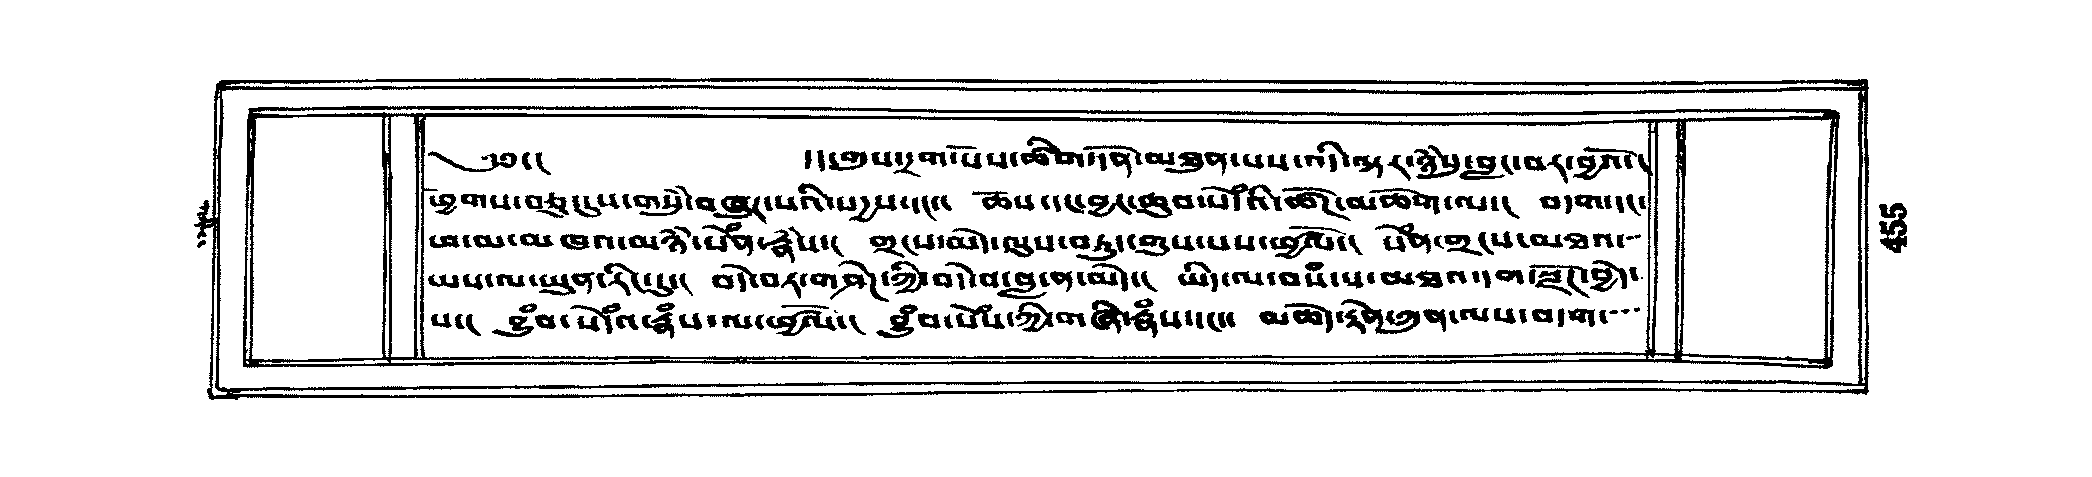དད་གུས་དྲག་པོས་ཚིག་དོན་མཐུན་པས་འདི་འདི་ལྟར་ཉམས་སུ་བླང་བར་བྱའོ། 
ཕྱོགས་བཅུ་དུས་གསུམ་བཞུགས་པའི་སངས་རྒྱས་དང་། ཆོས་དང་བྱང་ཆུབ་སེམས་དཔའི་ཚོགས་ཆོགས་ལ། །བདག་དང་
ཕ་མ་མཁའ་མཉམ་སེམས་ཅན་རྣམས། །གྲངས་མེད་ལུས་བཏུད་གུས་པས་ཕྱག་འཚལ་ལོ། །སེམས་ཅན་གྲངས་མཐའ་
ཡས་ལ་ཡུན་རིང་དུ། །བདེ་བར་གཤེགས་ཀྱི་བདེ་བ་བླ་ན་མེད། །ཡིད་ལ་བསམ་པ་མཐའ་དག་རྫོགས་བྱེད་
པ། །བྱང་ཆུབ་སེམས་དཔའ་རྣམས་ལ་ཕྱག་འཚལ་ལོ། །བྱང་ཆུབ་སེམས་ཀྱི་གཞི་རྣམས་དང་། །མཆོད་རྟེན་ཀུན་ལ་